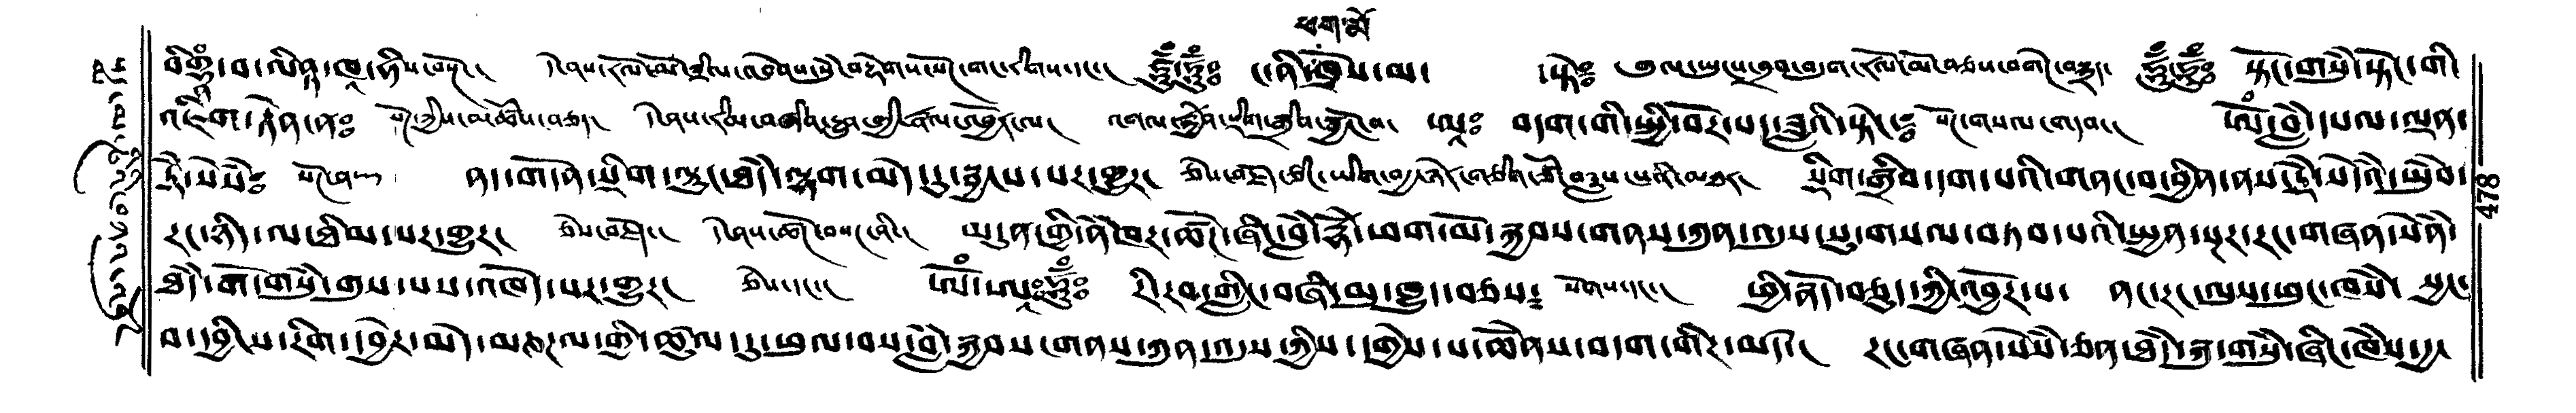བིགྷཱཾ་བ་ལིངྟ་ཁཱ་ཧི ས་བསྔོ། དེ་ནས་རོལ་མོའི་ཟིལ་འབེབས་སུམ་རྡེག་སོགས་གང་རིགས་དང་། ཧཱུྃ་ཧཱུྃ༔ ང་ནི་ཕག་མོ་ཁྲོས་མ་སྟེ༔ གུལ་ཡུངས་བྲབ་བདུག་རོལ་མོ་བཅས་བགེགས་བསྐྲད། ཧཱུྃ་ཧཱུྃ༔ སྟོང་གསུམ་སྟོང་གི་
འཇིག་རྟེན་ན༔ སོགས་ཀྱིས་མཚམས་བཅད། དེ་ནས་རིམ་བཞིན་རྒྱུན་གྱི་རྣལ་འབྱོར་ལ། འགལ་རྐྱེན་སྡིག་སྒྲིབ་སྦྱོང་བ། ཨཱཿ བདག་གི་སྤྱི་བོར་པད་ཟླའི་སྟེང༔ སོགས་གསལ་གདབ། ཨོཾ༔བླ་མ་དཔལ་ལྡན་
རྡོ་རྗེ་སེམས༔ སོགས་ནས། ནད་གདོན་སྡིག་ལྟུང་ཐམས་ཅད་ལྷག་མེད་དུ་སྦྱང་པར་གྱུར། ཅེས་བརྗོད་ཅིང་ཡིག་བརྒྱ་ཉེར་གཅིག་ཙམ་བཟླས་པའི་མཐར། སྡིག་སྒྲིབ་དག་པའི་གནང་བ་བྱིན་ནས་རྡོ་རྗེ་སེམས་དཔའི་ཡབ་ཡུམ་
རང་ཉིད་ལ་ཐིམ་པར་གྱུར། ཅེས་བརྗོད། དེ་ནས་ཚོགས་བསགས་ནི། མདུན་གྱི་ནམ་མཁར་ཚོགས་ཞིང་བླ་མ་རྡོ་རྗེ་ཕག་མོ་སྐྱབས་གནས་ཀུན་འདུས་སུ་གསལ་བཏབ་པའི་སྤྱན་སྔར་རང་གཞན་སེམས་ཅན་
ཐམས་ཅད་སྒོ་གསུམ་གུས་པས་འཁོད་པར་གྱུར། ཅེས་དང་། ཨོཾ་ཨཱཿཧཱུྃ༔རི་རབ་གླིང་བཞི་མུ་ཁྱུད་བཅས༴ སོགས་དང་། ཕྱི་སྣོད་བཅུད་ཀྱི་འབྱོར་པ། ནང་རང་ལུས་ཕུང་ཁམས། གསང་
བ་དབྱིངས་རིག་དབྱེར་མེད་མཎྜལ་གྱི་ཚུལ་དུ་ཕུལ་བས་བླ་མ་སྐྱབས་གནས་ཀུན་འདུས་ཀྱིས་དགྱེས་པ་ཆེན་པོས་བདག་གིར་མཛད། རང་གཞན་སེམས་ཅན་ཐམས་ཅད་སྐུ་གསུམ་ཞིང་ཁམས་རྒྱ་